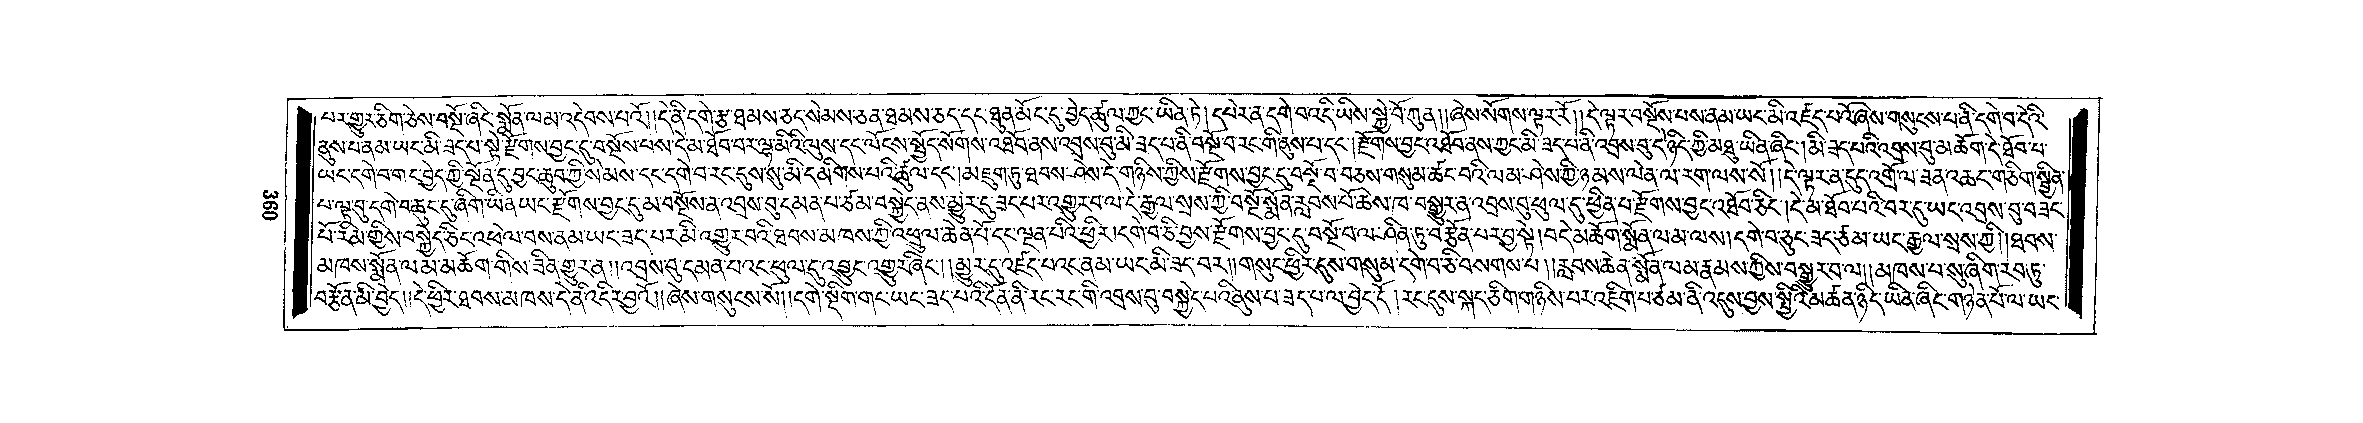པར་གྱུར་ཅིག་ཅེས་བསྔོ་ཞིང་སྨོན་ལམ་འདེབས་པའོ། །དེ་ནི་དགེ་རྩ་ཐམས་ཅད་སེམས་ཅན་ཐམས་ཅད་དང་ཐུན་མོང་དུ་བྱེད་ཚུལ་ཀྱང་ཡིན་ཏེ། དཔེར་ན་དགེ་བ་འདི་ཡིས་སྐྱེ་བོ་ཀུན། །ཞེས་སོགས་ལྟར་རོ། །དེ་ལྟར་བསྔོས་པས་ནམ་ཡང་མི་འཛད་པའོ་ཞེས་གསུངས་པ་ནི་དགེ་བ་དེའི་
ནུས་པ་ནམ་ཡང་མི་ཟད་པ་སྟེ་རྫོགས་བྱང་དུ་བསྔོས་པས་དེ་མ་ཐོབ་པར་ལྷ་མིའི་ལུས་དང་ལོངས་སྤྱོད་སོགས་འཐོབ་ནས་འབྲས་བུ་མི་ཟད་པ་ནི་བསྔོ་བ་རང་གི་ནུས་པ་དང་། རྫོགས་བྱང་འཐོབ་ནས་ཀྱང་མི་ཟད་པ་ནི་འབྲས་བུ་དེ་ཉིད་ཀྱི་མཐུ་ཡིན་ཞིང་། མི་ཟད་པའི་འབྲས་བུ་མཆོག་དེ་ཐོབ་པ་
ཡང་དགེ་བ་གང་བྱེད་ཀྱི་སྔོན་དུ་བྱང་ཆུབ་ཀྱི་སེམས་དང་དགེ་བ་རང་དུས་སུ་མི་དམིགས་པའི་ཚུལ་དང་། མཇུག་ཏུ་ཐབས་ཤེས་དེ་གཉིས་ཀྱིས་རྫོགས་བྱང་དུ་བསྔོ་བ་བཅས་གསུམ་ཚང་བའི་ལམ་ཤེས་ཀྱི་ཉམས་ལེན་ལ་རག་ལས་སོ། །དེ་ལྟར་ན་དུད་འགྲོ་ལ་ཟན་འཆང་གཅིག་སྦྱིན་
པ་ལྟ་བུ་དགེ་བ་ཆུང་ངུ་ཞིག་ཡིན་ཡང་རྫོགས་བྱང་དུ་མ་བསྔོས་ན་འབྲས་བུ་དམན་པ་ཙམ་བསྐྱེད་ནས་མྱུར་དུ་ཟད་པར་འགྱུར་བ་ལ་དེ་རྒྱལ་སྲས་ཀྱི་བསྔོ་སྨོན་རླབས་པོ་ཆེས་ཁ་བསྒྱུར་ན་འབྲས་བུ་ཕུལ་དུ་ཕྱིན་པ་རྫོགས་བྱང་འཐོབ་ཅིང་། དེ་མ་ཐོབ་པའི་བར་དུ་ཡང་འབྲས་བུ་བཟང་
པོ་རིམ་གྱིས་བསྐྱེད་ཅིང་འཕེལ་བས་ནམ་ཡང་ཟད་པར་མི་འགྱུར་བའི་ཐབས་མཁས་ཀྱི་འཕྲུལ་ཆེན་པོ་དང་ལྡན་པའི་ཕྱིར། དགེ་བ་ཅི་བྱས་རྫོགས་བྱང་དུ་བསྔོ་བ་ལ་ཤིན་ཏུ་བརྩོན་པར་བྱ་སྟེ། བདེ་མཆོག་སྨོན་ལམ་ལས། དགེ་བ་ཅུང་ཟད་ཙམ་ཡང་རྒྱལ་སྲས་ཀྱི། །ཐབས་
མཁས་སྨོན་ལམ་མཆོག་གིས་ཟིན་གྱུར་ན། །འབྲས་བུ་དམན་པའང་ཕུལ་དུ་འབྱུང་འགྱུར་ཞིང་། །མྱུར་དུ་འཛད་པའང་ནམ་ཡང་མི་ཟད་བར། །གསུང་ཕྱིར་དུས་གསུམ་དགེ་བ་ཅི་བསགས་པ། །རླབས་ཆེན་སྨོན་ལམ་རྣམས་ཀྱིས་བསྒྱུར་བ་ལ། །མཁས་པ་སུ་ཞིག་རབ་ཏུ་
བརྩོན་མི་བྱེད། །དེ་ཕྱིར་ཐབས་མཁས་དེ་ནི་འདིར་བྱའོ། །ཞེས་གསུངས་སོ། །དགེ་སྡིག་གང་ཡང་ཟད་པའི་དོན་ནི་རང་རང་གི་འབྲས་བུ་བསྐྱེད་པའི་ནུས་པ་ཟད་པ་ལ་བྱེད་རོ། རང་དུས་སྐད་ཅིག་གཉིས་པ་ཙམ་ནི་འདུས་བྱས་སྤྱིའི་མཚན་ཉིད་ཡིན་ཞིང་གཉེན་པོ་ལ་ཡང་